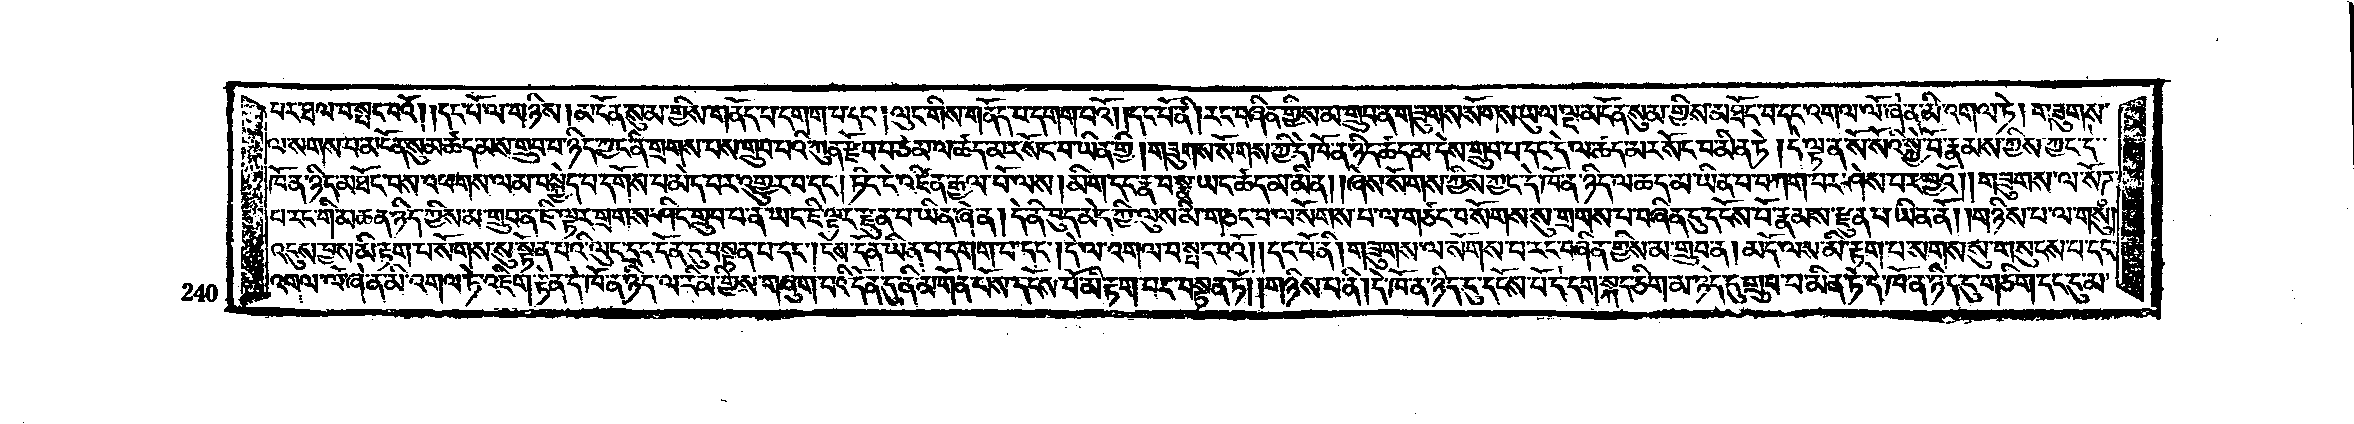པར་ཐལ་པ་སྤང་བའོ། །དང་པོ་ལ་གཉིས། མངོན་སུམ་གྱིས་གནོད་པ་དགག་པ་དང་། ལུང་གིས་གནོད་པ་བདག་པའོ། །དང་པོ་ནི། རང་བཞིན་གྱིས་མ་གྲུབ་ན་གཟུགས་སོགས་ཡུལ་ལྔ་མངོན་སུམ་གྱིས་མཐོང་བ་དང་འགལ་ལོ་ཞེ་ན་མི་འགལ་ཏེ། གཟུགས་
ལ་སོགས་པ་མངོན་སུམ་ཚད་མས་གྲུབ་པ་ཉིད་ཀྱང་ནི་གྲགས་པས་གྲུབ་པའི་ཀུན་རྫོབ་པ་ཙམ་ལ་ཚད་མར་སོང་བ་ཡིན་གྱི་།གཟུགས་སོགས་ཀྱི་དེ་ཁོ་ན་ཉིད་ཚད་མ་དེས་གྲུབ་པ་དང་དེ་ལ་ཚད་མར་སོང་བ་མིན་ཏེ། དེ་ལྟ་ན་སོ་སོའི་སྐྱེ་བོ་རྣམས་ཀྱིས་ཀྱང་དེ་
ཁོ་ན་ཉིད་མཐོང་བས་འཕགས་ལམ་བསྐྱེད་པ་དགོས་པ་མེད་པར་འགྱུར་བ་དང་། ཏིང་ངེ་འཛིན་རྒྱལ་པོ་ལས། མིག་དང་རྣ་བ་སྣ་ཡང་ཚད་མ་མིན། །ཞེས་སོགས་ཀྱིས་ཀྱང་དེ་ཁོ་ན་ཉིད་ལ་ཆད་མ་ཡིན་པ་བཀག་པར་ཤེས་པར་བྱའོ། །གཟུགས་ལ་སོགས་
པ་རང་གི་མཚན་ཉིད་ཀྱིས་མ་གྲུབ་ན་ཇི་ལྟར་གྲགས་ཤིང་གྲུབ་པ་ན་ཡང་ཇི་ལྟར་རྫུན་པ་ཡིན་ཞེ་ན། དེ་ནི་བུད་མེད་ཀྱི་ལུས་མི་གཙང་བ་ལ་སོགས་པ་ལ་གཙང་བ་སོགས་སུ་གྲགས་པ་བཞིན་དུ་དངོས་པོ་རྣམས་རྫུན་པ་ཡིན་ནོ། །གཉིས་པ་ལ་གསུམ།
འདུས་བྱས་མི་རྟག་པ་སོགས་སུ་སྟོན་པའི་ལུང་དྲན་གདོན་དུ་བསྟན་པ་དང་། ངེས་དོན་ཡིན་པ་དགག་པ་དང་། དེ་ལ་འགལ་བ་སྤང་བའོ། །དང་པོ་ནི། གཟུགས་ལ་སོགས་པ་རང་བཞིན་གྱིས་མ་གྲུབ་ན། མདོ་ལས་མི་རྟག་པ་སོགས་སུ་གསུངས་པ་དང་
འགལ་ལོ་ཞེ་ན་མི་འགལ་ཏེ་འཇིག་རྟེན་དེ་ཁོ་ན་ཉིད་ལ་རིམ་གྱིས་གཞུག་པའི་དོན་དུ་ནི་མགོན་པོས་དངོས་པོ་མི་རྟག་པར་བསྟན་ཏོ། །གཉིས་པ་ནི། དེ་ཁོ་ན་ཉིད་དུ་དངོས་པོ་དེ་དག་སྐད་ཅིག་མ་ཉིད་དུ་གྲུབ་པ་མིན་ཏེ་དེ་ཁོ་ན་ཉིད་དུ་གཅིག་དང་དུ་མ་